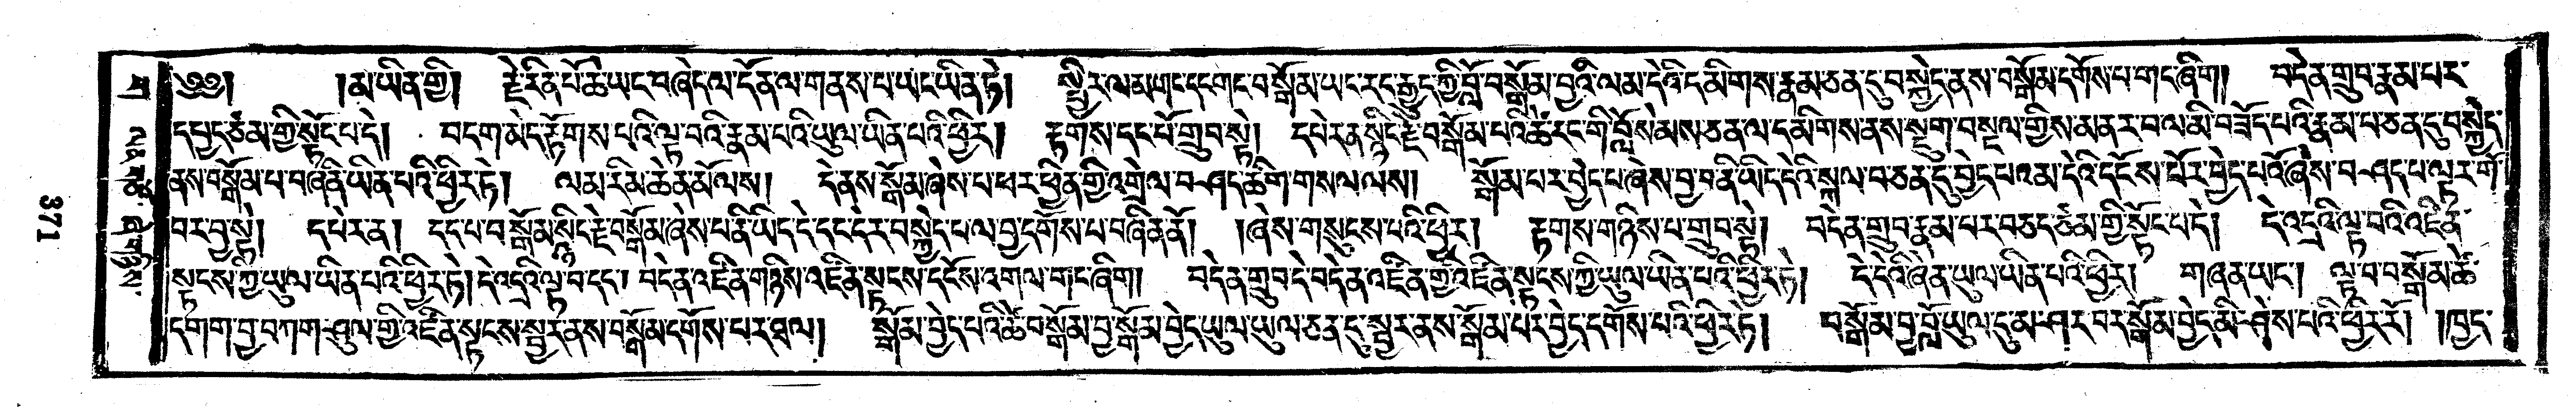༄༅། །མ་ཡིན་གྱི། རྗེ་རིན་པོ་ཆེ་ཡང་བཞེད་ལ་དོན་ལ་གནས་པ་ཡང་ཡིན་ཏེ། སྤྱིར་ལམ་གང་དང་གང་བསྒོམ་ཡང་རང་རྒྱུད་ཀྱི་བློ་བསྒོམ་བྱའི་ལམ་དེའི་དམིགས་རྣམ་ཅན་དུ་བསྐྱེད་ནས་བསྒོམ་དགོས་པ་གང་ཞིག། བདེན་གྲུབ་རྣམ་པར་
དཔྱད་ཙམ་གྱི་སྟོང་པ་དེ། བདག་མེད་རྟོགས་པའི་ལྟ་བའི་རྣམ་པའི་ཡུལ་ཡིན་པའི་ཕྱིར། རྟགས་དང་པོ་གྲུབ་སྟེ། དཔེར་ན་སྙིང་རྗེ་བསྒོམ་པའི་ཚེ་རང་གི་བློ་སེམས་ཅན་ལ་དམིགས་ནས་སྡུག་བསྔལ་གྱིས་མནར་བ་ལ་མི་བཟོད་པའི་རྣམ་པ་ཅན་དུ་བསྐྱེད་
ནས་བསྒོམ་པ་བཞིན་ཡིན་པའི་ཕྱིར་ཏེ། ལམ་རིམ་ཆེན་མོ་ལས། དེ་ནས་སྒོམ་ཞེས་པ་ཕར་ཕྱིན་གྱི་འགྲེལ་བཤད་ཚིག་གསལ་ལས། སྒོམ་པར་བྱེད་པ་ཞེས་བྱ་བ་ནི་ཡིད་དེའི་སྐལ་བ་ཅན་དུ་བྱེད་པའམ་དེའི་དངོས་པོར་བྱེད་པའོ་ཞེས་བཤད་པ་ལྟར་གོ་
བར་བྱ་སྟེ། དཔེར་ན། དང་པ་བསྒོམ་སྙིང་རྗེ་བསྒོམ་ཞེས་པ་ནི་ཡིད་དེ་དང་དེར་བསྐྱེད་པ་ལ་བྱ་དགོས་པ་བཞིན་ནོ། །ཞེས་གསུངས་པའི་ཕྱིར། རྟགས་གཉིས་པ་གྲུབ་སྟེ། བདེན་གྲུབ་རྣམ་པར་བཅད་ཙམ་གྱི་སྟོང་པ་དེ། དེ་འདྲའི་ལྟ་བའི་འཛིན་
སྟངས་ཀྱི་ཡུལ་ཡིན་པའི་ཕྱིར་ཏེ། དེ་འདྲའི་ལྟ་བ་དང་། བདེན་འཛིན་གཉིས་འཛིན་སྟངས་དངོས་འགལ་གང་ཞིག། བདེན་གྲུབ་དེ་བདེན་འཛིན་གྱི་འཛིན་སྟངས་ཀྱི་ཡུལ་ཡིན་པའི་ཕྱིར་ཏེ། དེ་དེའི་ཞེན་ཡུལ་ཡིན་པའི་ཕྱིར། གཞན་ཡང་། ལྟ་བ་བསྒོམ་ཚེ་
དགག་བྱ་བཀག་ཤུལ་གྱི་འཛིན་སྟངས་སྦྱར་ནས་བསྒོམ་དགོས་པར་ཐལ། སྒོམ་བྱེད་པའི་ཚེ་བསྒོམ་བྱ་སྒོམ་བྱེད་ཡུལ་ཡུལ་ཅན་དུ་སྦྱར་ནས་སྒོམ་པར་བྱེད་དགོས་པའི་ཕྱིར་ཏེ། བསྒོམ་བྱ་བློ་ཡུལ་དུ་མ་ཤར་བར་སྒོམ་བྱེད་མི་ཤེས་པའི་ཕྱིར་རོ། །ཁྱད་